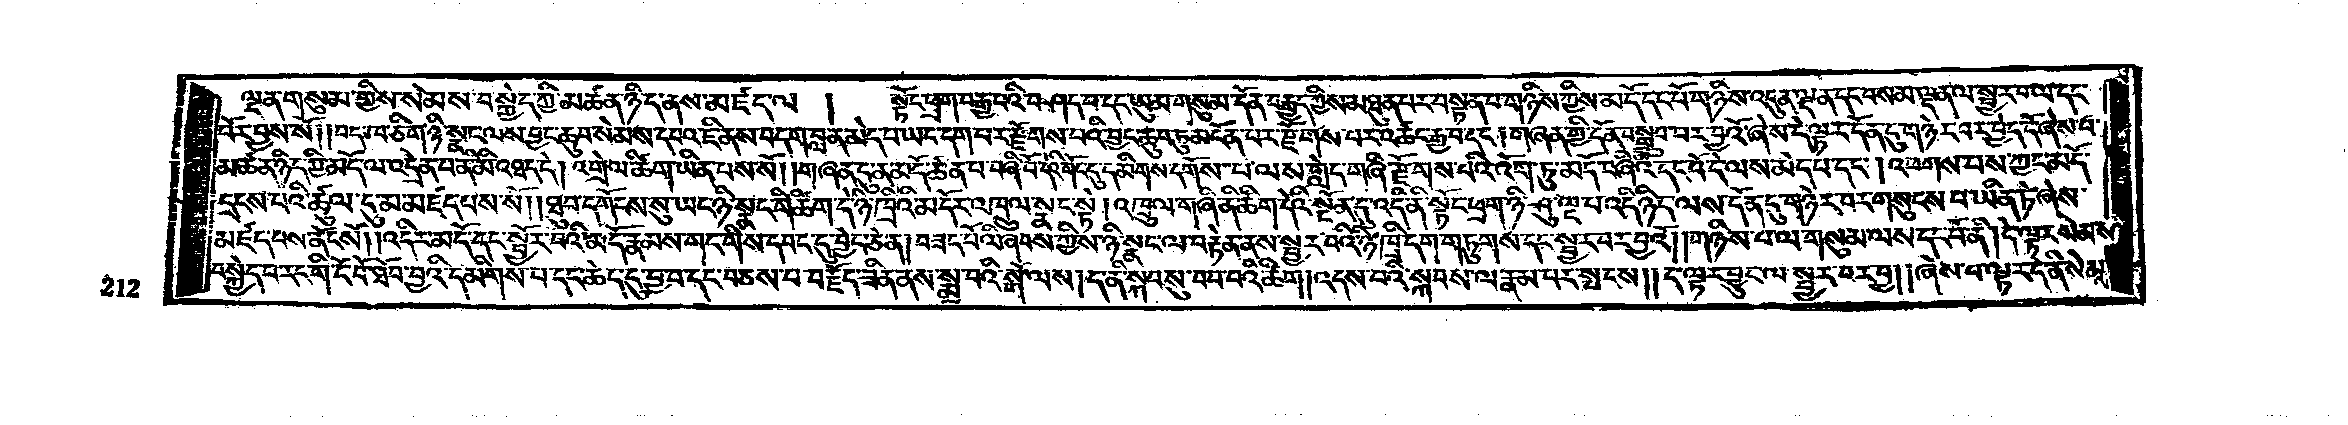ལྡན་གསུམ་གྱིས་སེམས་བསྐྱེད་ཀྱི་མཚན་ཉིད་ནས་མཛད་ལ། སྟོང་ཕྲག་བརྒྱ་པའི་བཤད་པ་དང་ཡུམ་གསུམ་དོན་བརྒྱད་ཀྱིས་མཐུན་པར་བསྟན་པ་གཉིས་ཀྱིས་མདོ་དང་པོ་གཉིས་འདུན་ལྡན་དང་བསམ་ལྡན་ལ་སྦྱར་བ་ལ་དང་
པོར་བྱས་སོ། །བོད་ཁ་ཅིག་ཉི་སྣང་ལས་བྱང་ཆུབ་སེམས་དཔའ་ཇི་ནས་བདག་བླ་ན་མེད་པ་ཡང་དག་པར་རྫོགས་པའི་བྱང་ཆུབ་ཏུ་མངོན་པར་རྫོགས་པར་འཚང་རྒྱ་བ་དང་། གཞན་གྱི་དོན་བསྒྲུབ་པར་བྱའོ་ཞེས་དེ་ལྟར་དོན་དུ་གཉེར་བར་བྱེད་དོ་ཞེས་པ་
མཚན་ཉིད་ཀྱི་མདོ་ལ་འདྲེན་པ་ནི་མི་འཐད་དེ། འགྲེལ་ཚིག་ཡིན་པས་སོ། །གཞན་དུ་ན་མདོ་ཚན་པ་བཞི་པོ་དེའི་གོང་དུ་དམིགས་དགོས་པ་ལས་གླེང་གཞི་རྫོགས་པའི་འོག་ཏུ་མདོ་བཞིའི་དང་པོ་དེ་ལས་མེད་པ་དང་། འཕགས་པས་ཀྱང་མདོ་
དྲངས་པའི་ཚུལ་དུ་མ་མཛད་པས་སོ། །ཐུབ་དགོངས་སུ་ཡང་ཉི་སྣང་གི་ཚིག་དེ་ཉི་ཁྲིའི་མདོར་འཁྲུལ་སྣང་སྟེ། འཁྲུལ་གཞི་ནི་ཚིག་དེའི་སྔོན་དུ་འདི་ནི་སྟོང་ཕྲག་ཉི་ཤུ་ལྔ་པ་འདི་ཉིད་ལས་དོན་དུ་གཉེར་བར་གསུངས་པ་ཡིན་ཏེ་ཞེས་
མཛད་པས་ནི་ངས་སོ། །འདིར་མདོ་དང་སྦྱོར་བའི་མདོ་རྣམས་གང་གིས་དབང་དུ་བྱེད་ཅེ་ན། བཟང་པོའི་ཞབས་ཀྱིས་ཉི་སྣང་ལ་བརྟེན་ནས་སྦྱར་བའི་ཉི་ཁྲི་དག་གཏུགས་དང་སྦྱར་བར་བྱའོ། །གཉིས་པ་ལ་གསུམ་ལས་དང་པོ་ནི། དེ་ལྟར་སེམས་
བསྐྱེད་པ་རང་གི་ངོ་བོ་ཐོབ་བྱའི་དམིགས་པ་དང་ཆེད་དུ་བྱ་བ་དང་བཅས་པ་བརྗོད་ཟིན་ནས་སྨྲ་བའི་སྒོ་ལས། ད་ནི་སྐབས་སུ་བབ་པའི་ཚིག །འདས་པའི་སྐབས་ལ་རྣམ་པར་སྤངས། །ད་ལྟར་བྱུང་ལ་སྦྱར་བར་བྱ། །ཞེས་པ་ལྟར་ད་ནི་སེམས་